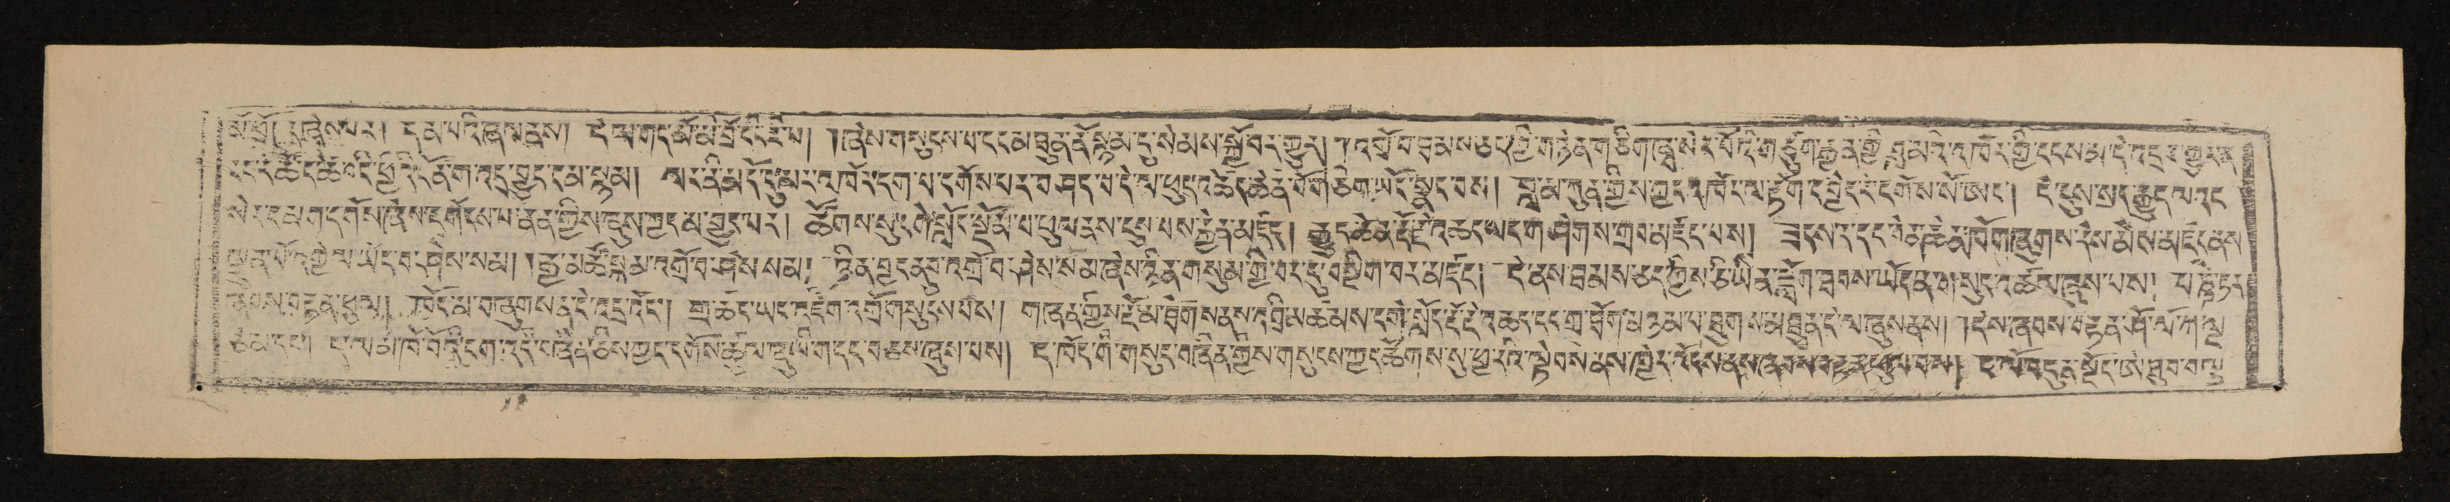མོ་བྲོ༑ ༑ཞེས་པར། དམ་པའི་ཞལ་ནས། དེ་ལ་གད་མོ་མི་བྲོ་དིང་རི་པ། །ཞེས་གསུངས་པ་དང་མཐུན་ནོ་སྙམ་དུ་སེམས་སྐྱོ་བར་གྱུར། འགྲོ་བ་ཐམས་ཅད་ཀྱི་གཉེན་གཅིག་ཞྭ་སེར་པོའི་གཙུག་རྒྱན་གྱི་བླ་མའི་འཁོར་གྱི་དངས་མ་དེ་འདྲར་གྱུར་ན་
རང་རེ་ཚོད་ཚེ་འདི་ཕྱིའི་དོན་ག་འདྲ་བྱུང་ངམ་སྙམ། ལར་ནི་མདོ་དུ་མར་འཁོར་དག་པ་དགོས་པར་བཤད་པ་དེ་ལ་ཕུང་འཚེད་ཆེན་པོ་གཅིག་ཡོད་སྣང་བས། བླ་མ་ཀུན་གྱིས་ཀྱང་འཁོར་ལ་རྟོག་དཔྱོད་རེ་དགོས་སོ་ཨང་། དེ་དུས་སྲད་རྒྱུད་ལའང་
སེར་དམག་དགོས་ཞེས་དགོངས་པ་ནན་གྱིས་ཞུས་ཀྱང་མ་བྱུང་པར། ཚོགས་སུ་དགེ་སློང་སྡོམ་པ་ཕུལ་ནས་དུས་པས་རྐྱེན་མཛད། རྒྱུད་ཆེན་རྡོ་རྗེ་འཆང་ཡང་གཤེགས་གྲུབ་མཛད་པས། ཟངས་ར་དང་བདེན་ཆེན་ཁོག་ཞུགས་རེས་མོས་མཛད་ནས་
ལྷུན་པོ་འགྱེལ་ཡོང་བ་ཤེས་སམ། རྒྱ་མཚོ་སྐམ་འགྲོ་བ་ཤེས་སམ། ཉིན་བྱེད་ནུབ་འགྲོ་བ་ཤེས་སམ་ཞེས་ཉིན་གསུམ་གྱི་བར་དུ་བསྡིག་པར་མཛད། དེ་ནས་ཐམས་ཅད་ཀྱིས་ཅི་ཡིན་ཟློག་ཐབས་ཡོད་ན་གསུང་འཚལ་ཞུས་པས། པཎྜི་ཏ་
ཞབས་བརྟན་ཕུལ། ཁོང་མ་བཞུགས་ན་དེ་འདྲ་འོང་། གྲྭ་ཚང་ཡང་འཇིག་འགྲོ་གསུངས་པས། གཞན་གྱིས་རྡོ་མ་ཐོགས་ནས་འབྲི་མཚམས་དགེ་སློང་རྡོ་རྗེ་འཆང་དང་གྲྭ་ཐོག་མཉམ་པ་ཐུགས་མཐུན་དེ་ལ་ཞུས་ནས། དེས་ཞབས་བརྟན་ཤོ་ལོ་ཀ་ལྔ་
ཙམ་དང་། ད་ལམ་ཁོ་བོའི་ངག་འདི་བཞིན་ཅིས་ཀྱང་དགོས་ཚུལ་ཞུ་ཡིག་དང་བཅས་ཞུས་པས། ད་ཁོང་གི་གསུང་བཞིན་གྱིས་གསུངས་ཀྱང་ཚོགས་སུ་ཕྱ་རའི་ལྟེ་བས་ནས་ཁྱེར་འོངས་ནས་ཞབས་བརྟན་ཕུལ་བས། ང་ལོ་བདུན་སྡོད་ཨེ་ཐུབ་བལྟ་